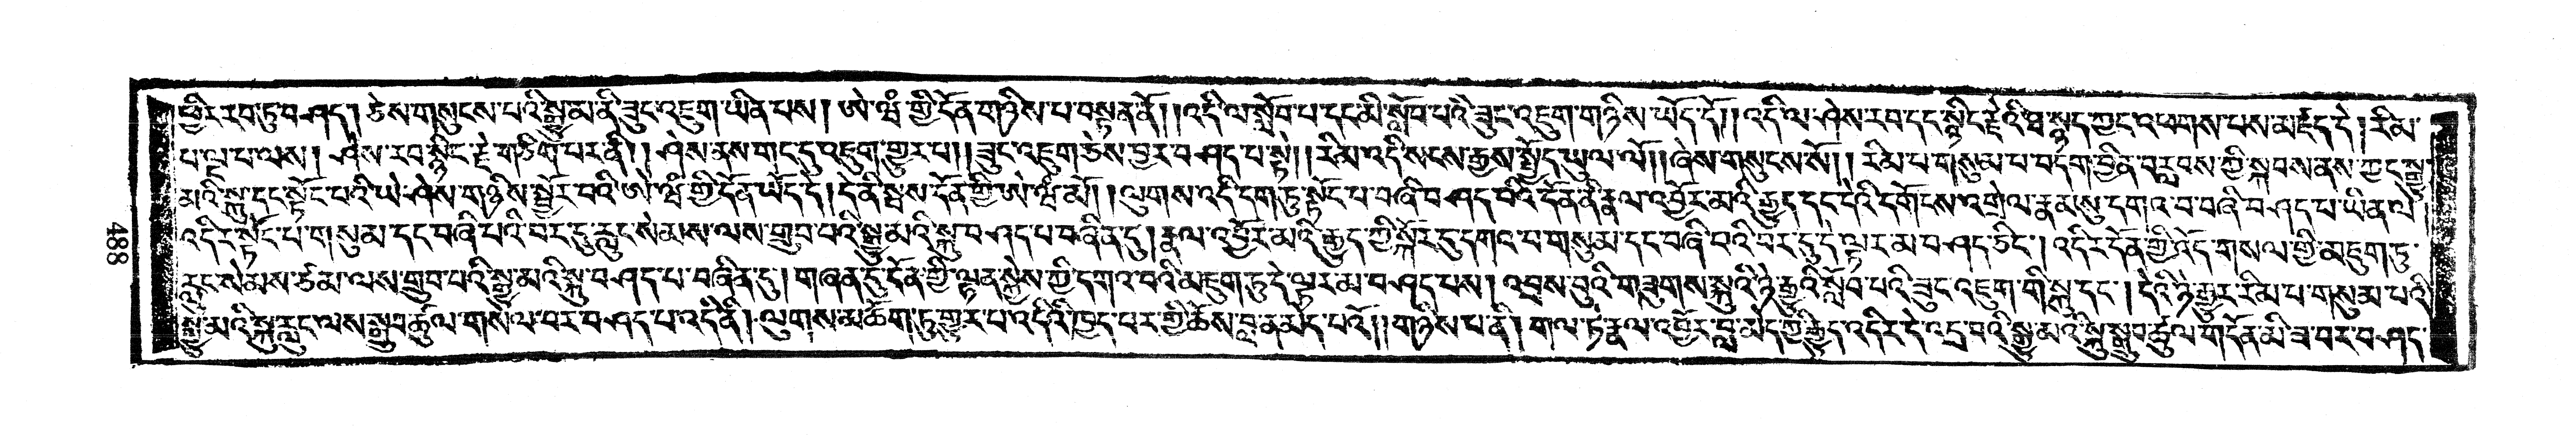ཕྱིར་རབ་ཏུ་བཤད། ཅེས་གསུངས་པའི་སྒྱུ་མ་ནི་ཟུང་འཇུག་ཡིན་པས། ཨེ་ཝཾ་གྱི་དོན་གཉིས་པ་བསྟན་ནོ། །འདི་ལ་སློབ་པ་དང་མི་སློབ་པའི་ཟུང་འཇུག་གཉིས་ཡོད་དོ། །འདི་ལ་ཤེས་རབ་དང་སྙིང་རྗེའི་ཐ་སྙད་ཀྱང་འཕགས་པས་མཛད་དེ། རིམ་
པ་ལྔ་པ་ལས། ཤེས་རབ་སྙིང་རྗེ་གཅིག་པར་ནི། །ཤེས་ནས་གང་དུ་འཇུག་གྱུར་པ། །ཟུང་འཇུག་ཅེས་བྱར་བཤད་པ་སྟེ། །རིམ་འདི་སངས་རྒྱས་སྤྱོད་ཡུལ་ལོ། །ཞེས་གསུངས་སོ། །རིམ་པ་གསུམ་པ་བདག་བྱིན་བརླབས་ཀྱི་སྐབས་ནས་ཀྱང་སྒྱུ་
མའི་སྐུ་དང་སྟོང་པའི་ཡེ་ཤེས་གཉིས་སྦྱོར་བའི་ཨེ་ཝཾ་གྱི་དོན་ཡོད་དེ། དེ་ནི་སྦས་དོན་གྱི་ཨེ་ཝཾ་མོ། །ལུགས་འདི་དག་ཏུ་སྟོང་པ་བཞི་བཤད་པའི་དོན་ནི་རྣལ་འབྱོར་མའི་རྒྱུད་དང་དེའི་དགོངས་འགྲེལ་རྣམས་སུ་དགའ་བ་བཞི་བཤད་པ་ཡིན་ལ།
འདིར་སྟོང་པ་གསུམ་དང་བཞི་པའི་བར་དུ་རླུང་སེམས་ལས་གྲུབ་པའི་སྒྱུ་མའི་སྐུ་བཤད་པ་བཞིན་དུ། རྣལ་འབྱོར་མའི་རྒྱུད་ཀྱི་སྐོར་དུ་དགའ་བ་གསུམ་དང་བཞི་པའི་བོར་དུ་དེ་ལྟར་མ་བཤད་ཅིང་། འདིར་དོན་གྱི་འོད་གསལ་གྱི་མཇུག་ཏུ་རླུང་སེམས་ཙམ་ལས་གྲུབ་པའི་སྒྱུ་མའི་སྐུ་བཤད་པ་བཞིན་དུ། གཞན་དུ་དོན་གྱི་ལྷན་སྐྱེས་ཀྱི་དགའ་བའི་མཇུག་ཏུ་དེ་ལྟར་མ་བཤད་པས། འབྲས་བུའི་གཟུགས་སྐུའི་ཉེ་རྒྱུའི་སློབ་པའི་ཟུང་འཇུག་གི་སྐུ་དང་། དེའི་ཉེ་རྒྱུར་རིམ་པ་གསུམ་པའི་
སྒྱུ་མའི་སྐུ་རླུང་ལས་སྒྲུབ་ཚུལ་གསལ་བར་བཤད་པ་འདི་ནི། ལུགས་མཆོག་ཏུ་གྱུར་པ་འདིའི་ཁྱད་པར་གྱི་ཆོས་བླ་ན་མེད་པའོ། །གཉིས་པ་ནི། གལ་ཏེ་རྣལ་འབྱོར་བླ་མེད་ཀྱི་རྒྱུད་འདིར་དེ་འདྲ་བའི་སྒྱུ་མའི་སྐུ་སྒྲུབ་ཚུལ་གདོན་མི་ཟ་བར་བཤད་